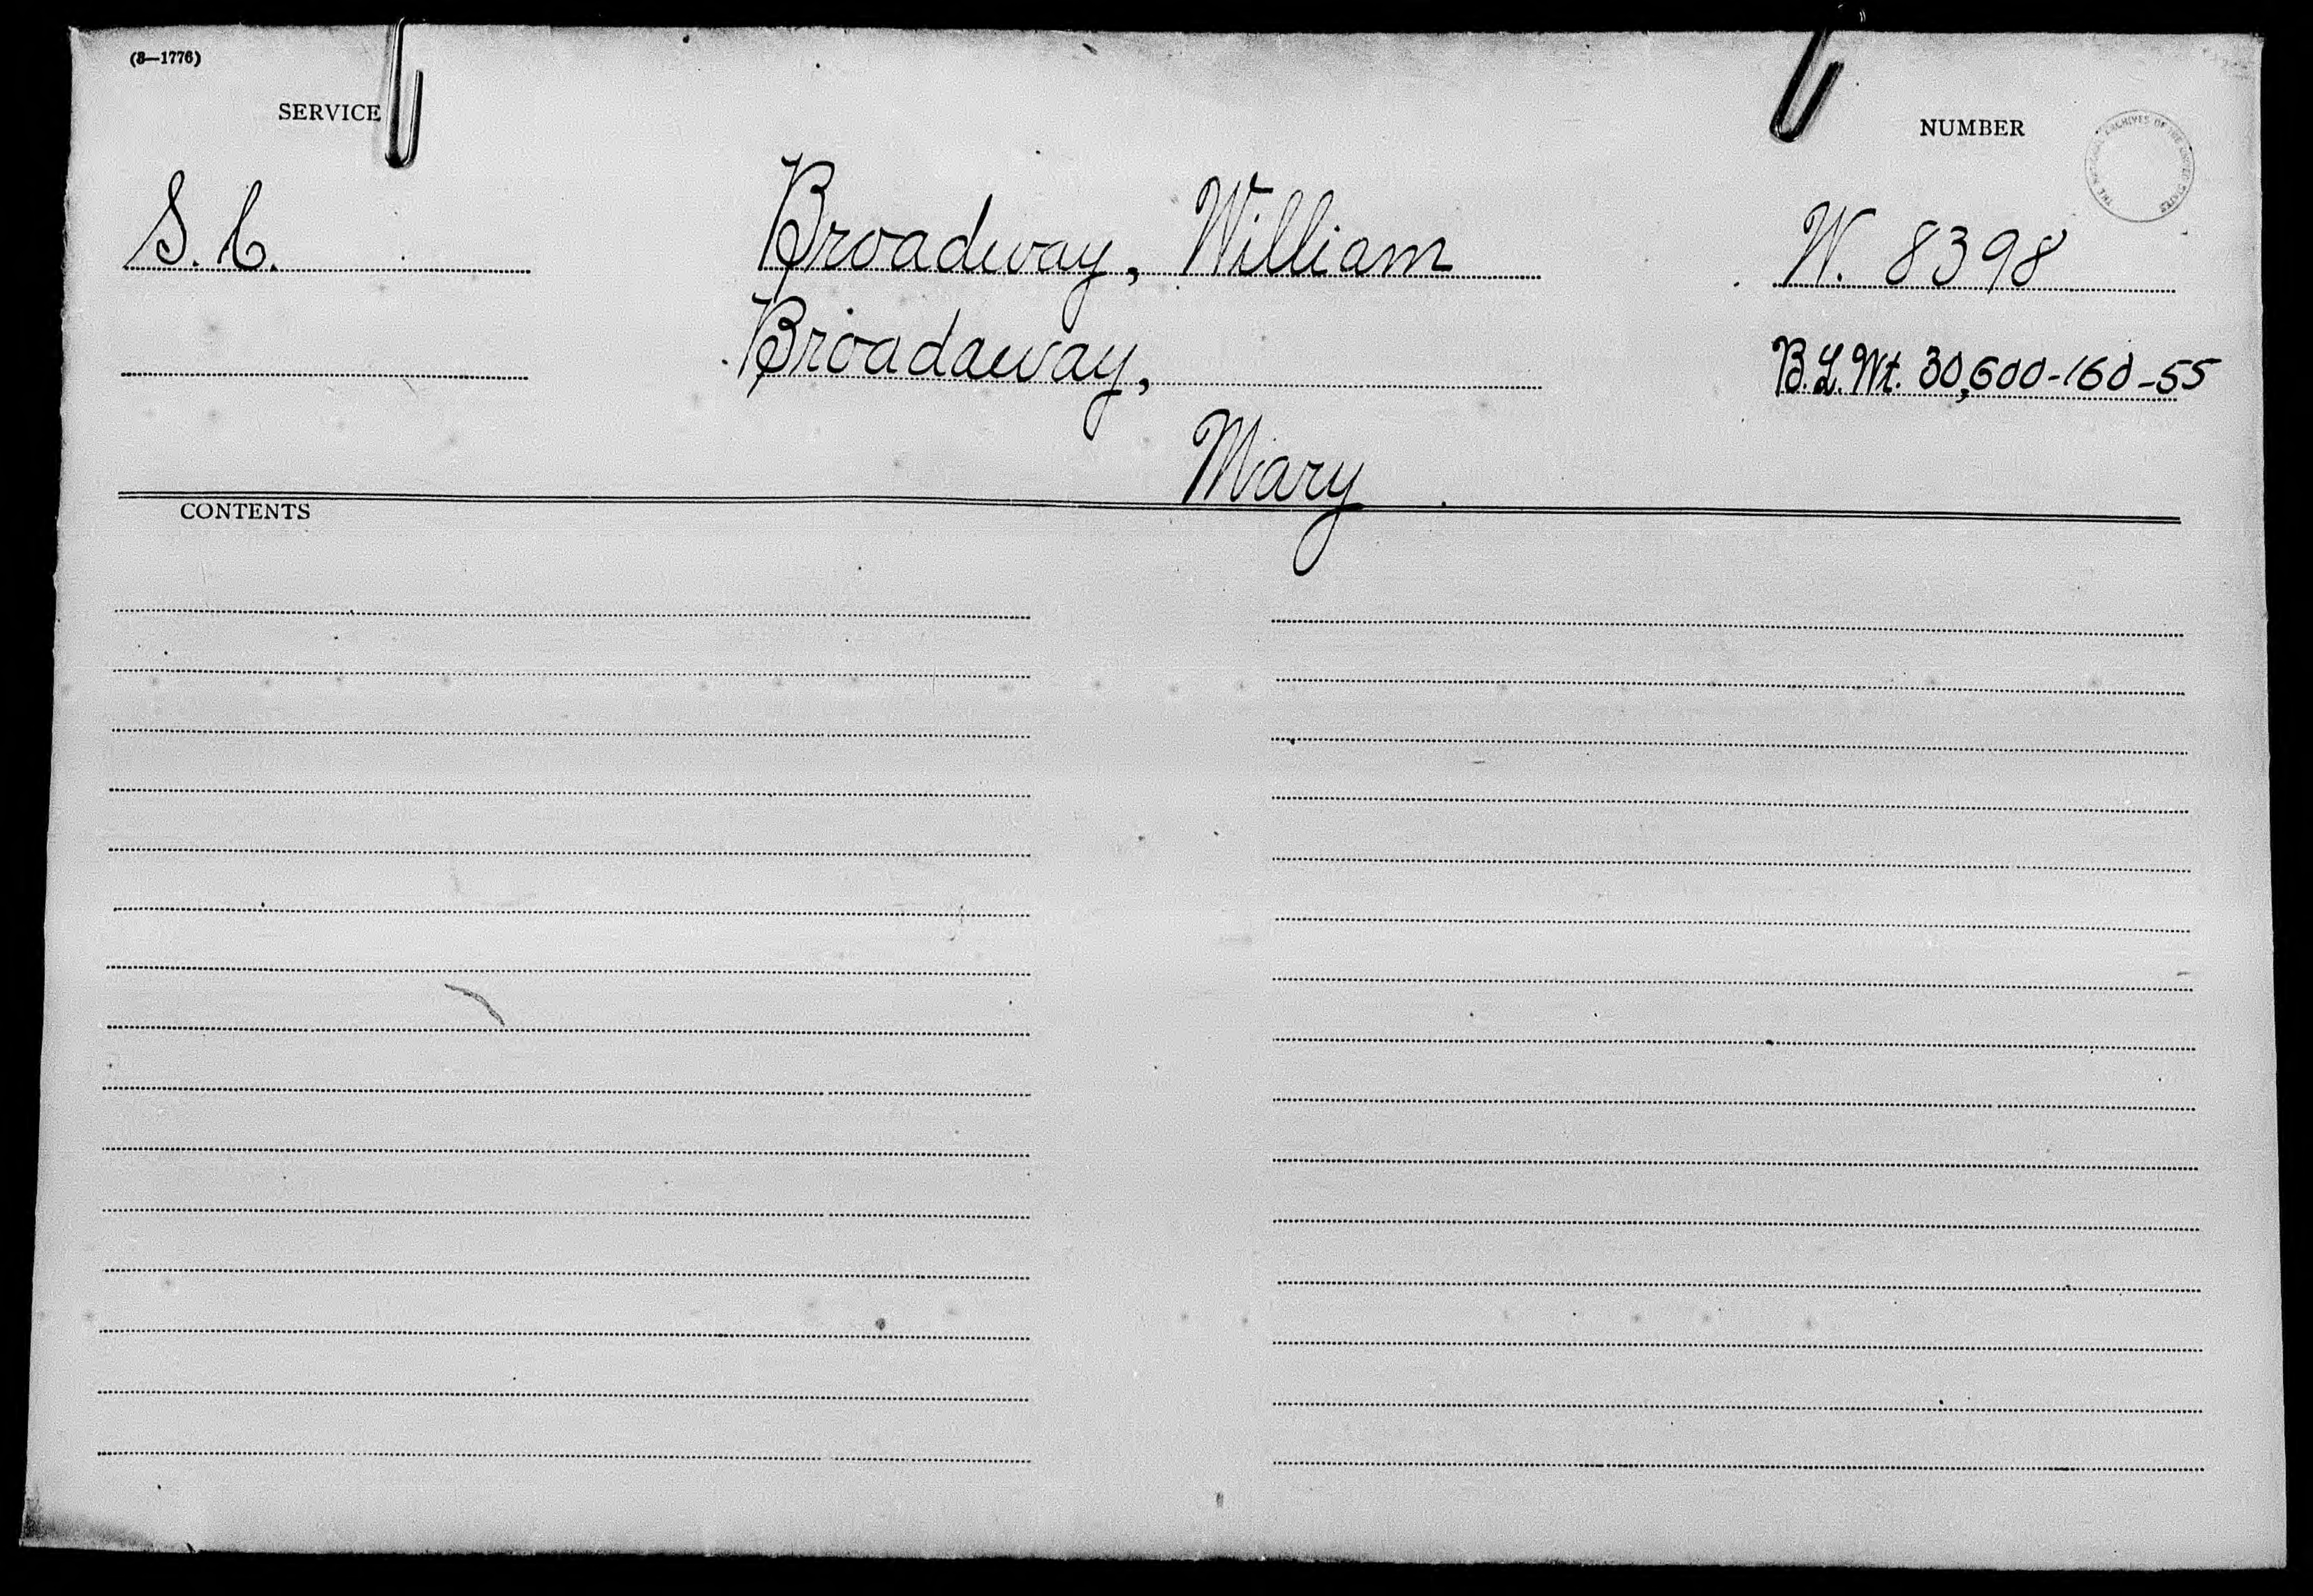(3-1776)

SERVICE    
S.C. 

Broadway, William 
Broadaway,              
Mary

NUMBER
W. 8398
B. L. Wt. 30,600-160-55

CONTENTS


[stamp in upper right corner]
THE NATIONAL ARCHIVES OF THE UNITED STATES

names: William Broadaway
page: 1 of 98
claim: widow's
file: W. 8398, William Broadway, S.C.